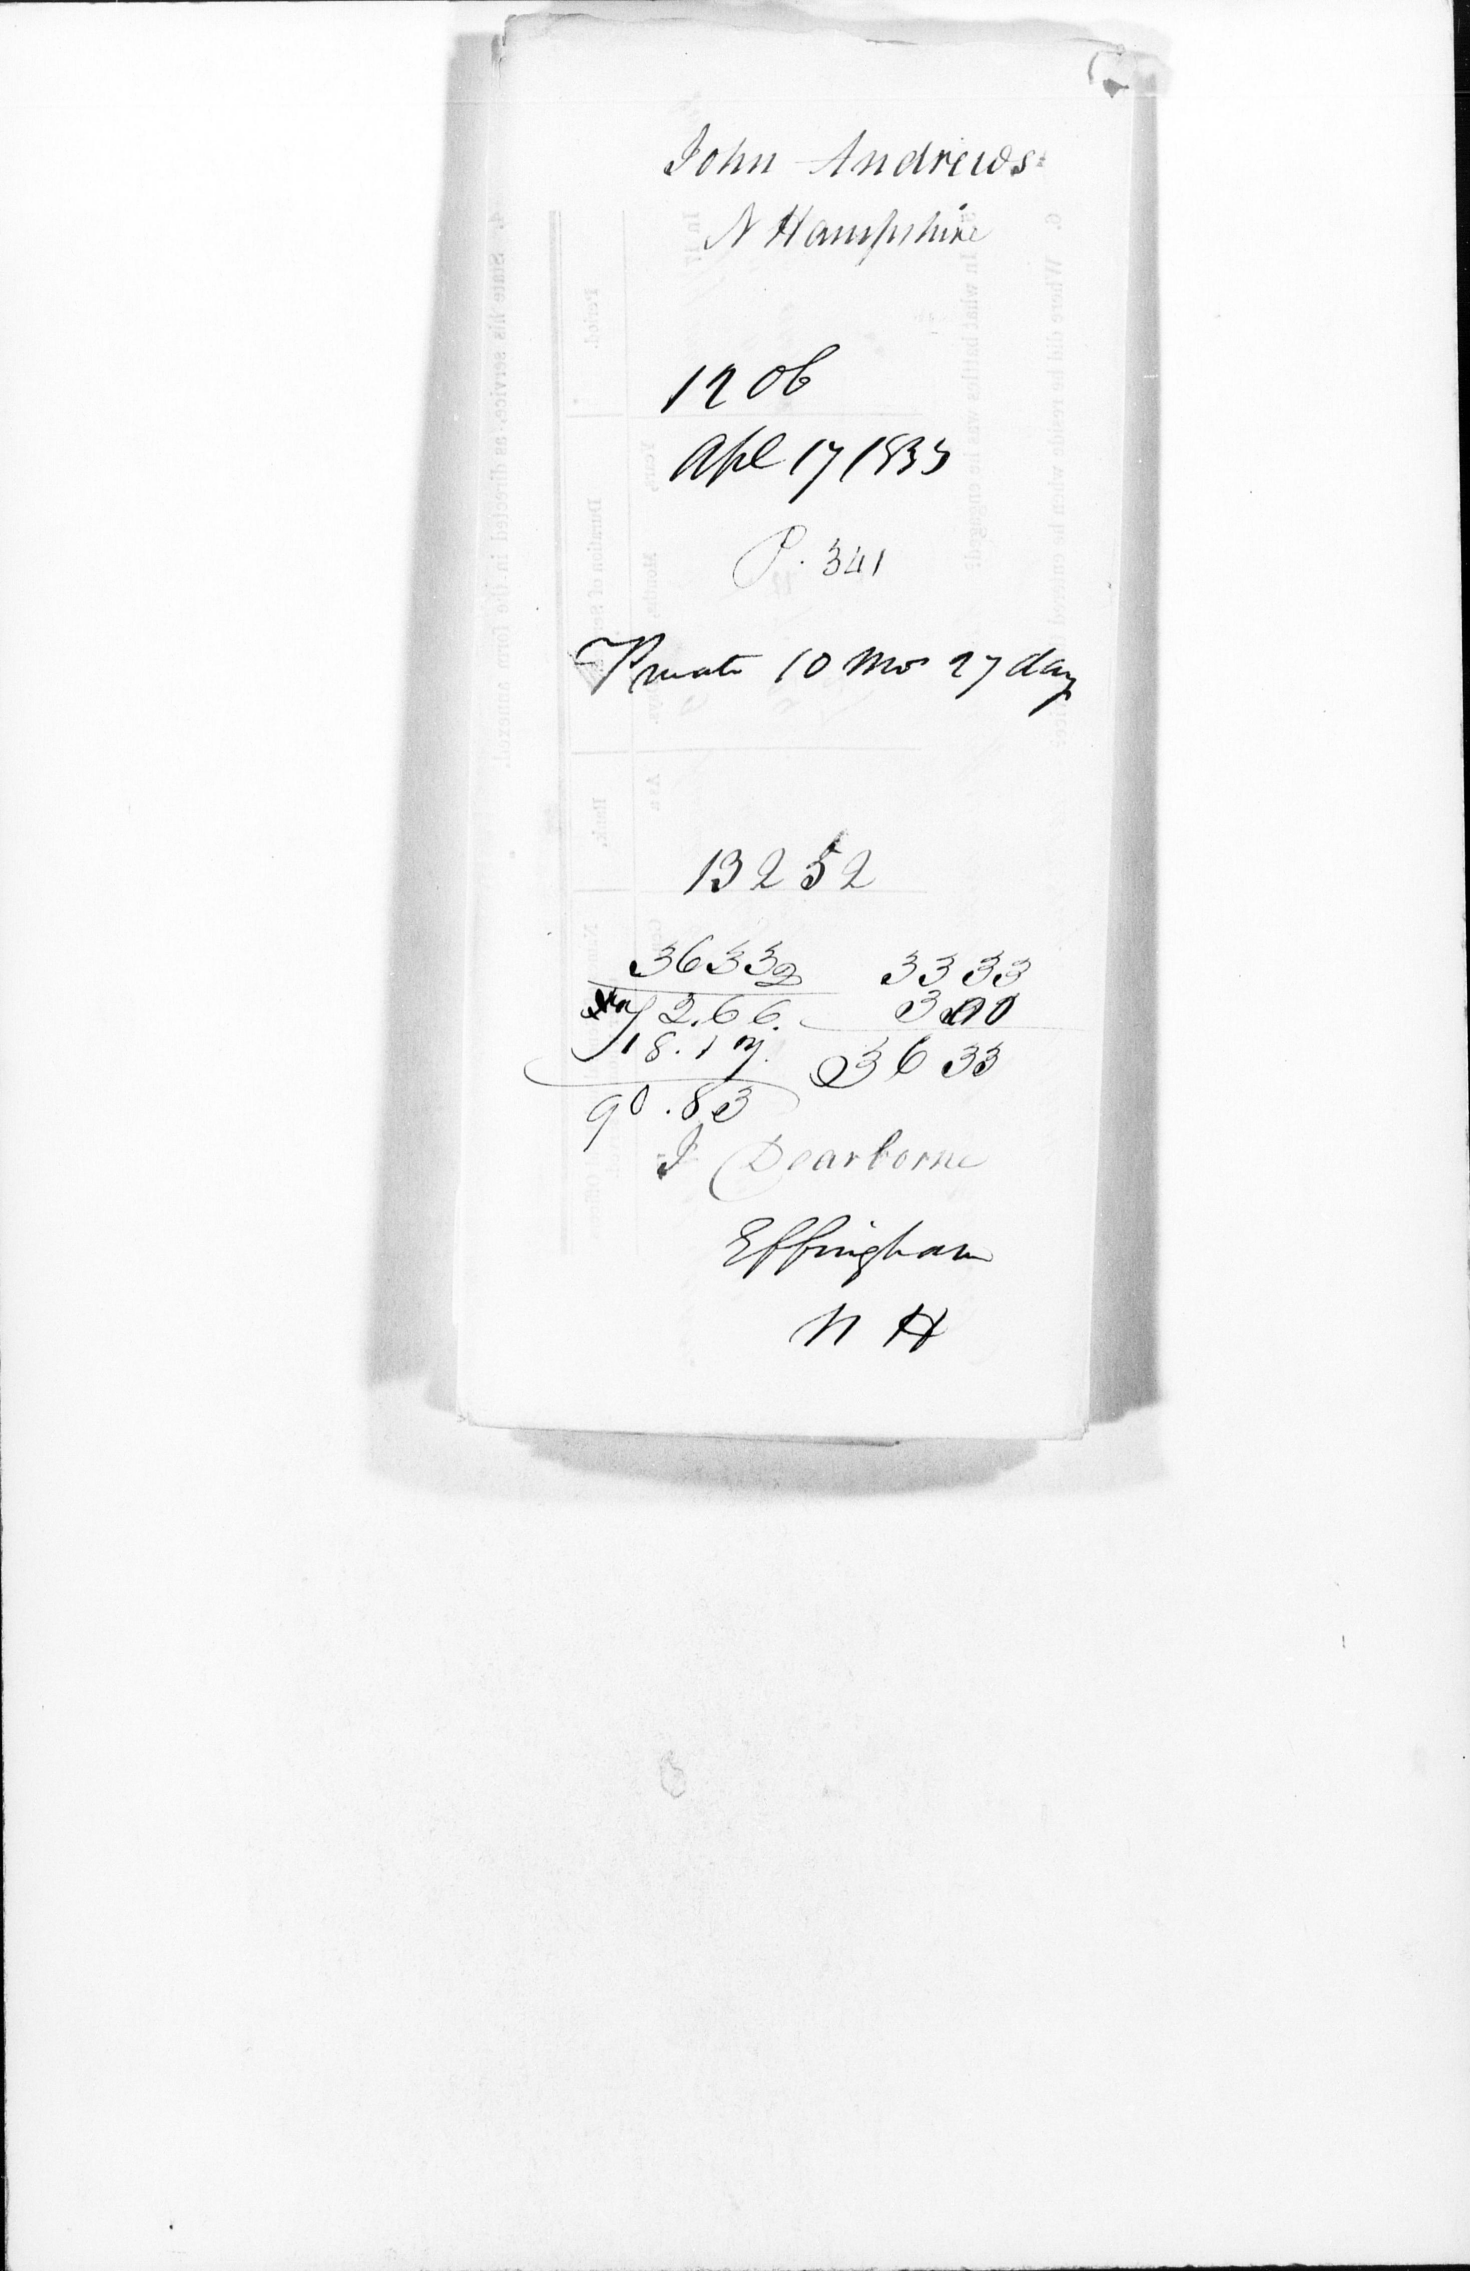John Andrews
N. Hampshire

19 of Apr 17 1833

P.  341

Private 10 Ms [Massachusetts] 27 day 

13252

3633            33.33
2.66                3.00
18.1?              36.33

90.83

J. Dearborn
Effingham
NH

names: J Dearborne, John Andrews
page: 6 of 23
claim: widow's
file: W. 1693, John Andrews, Mass.